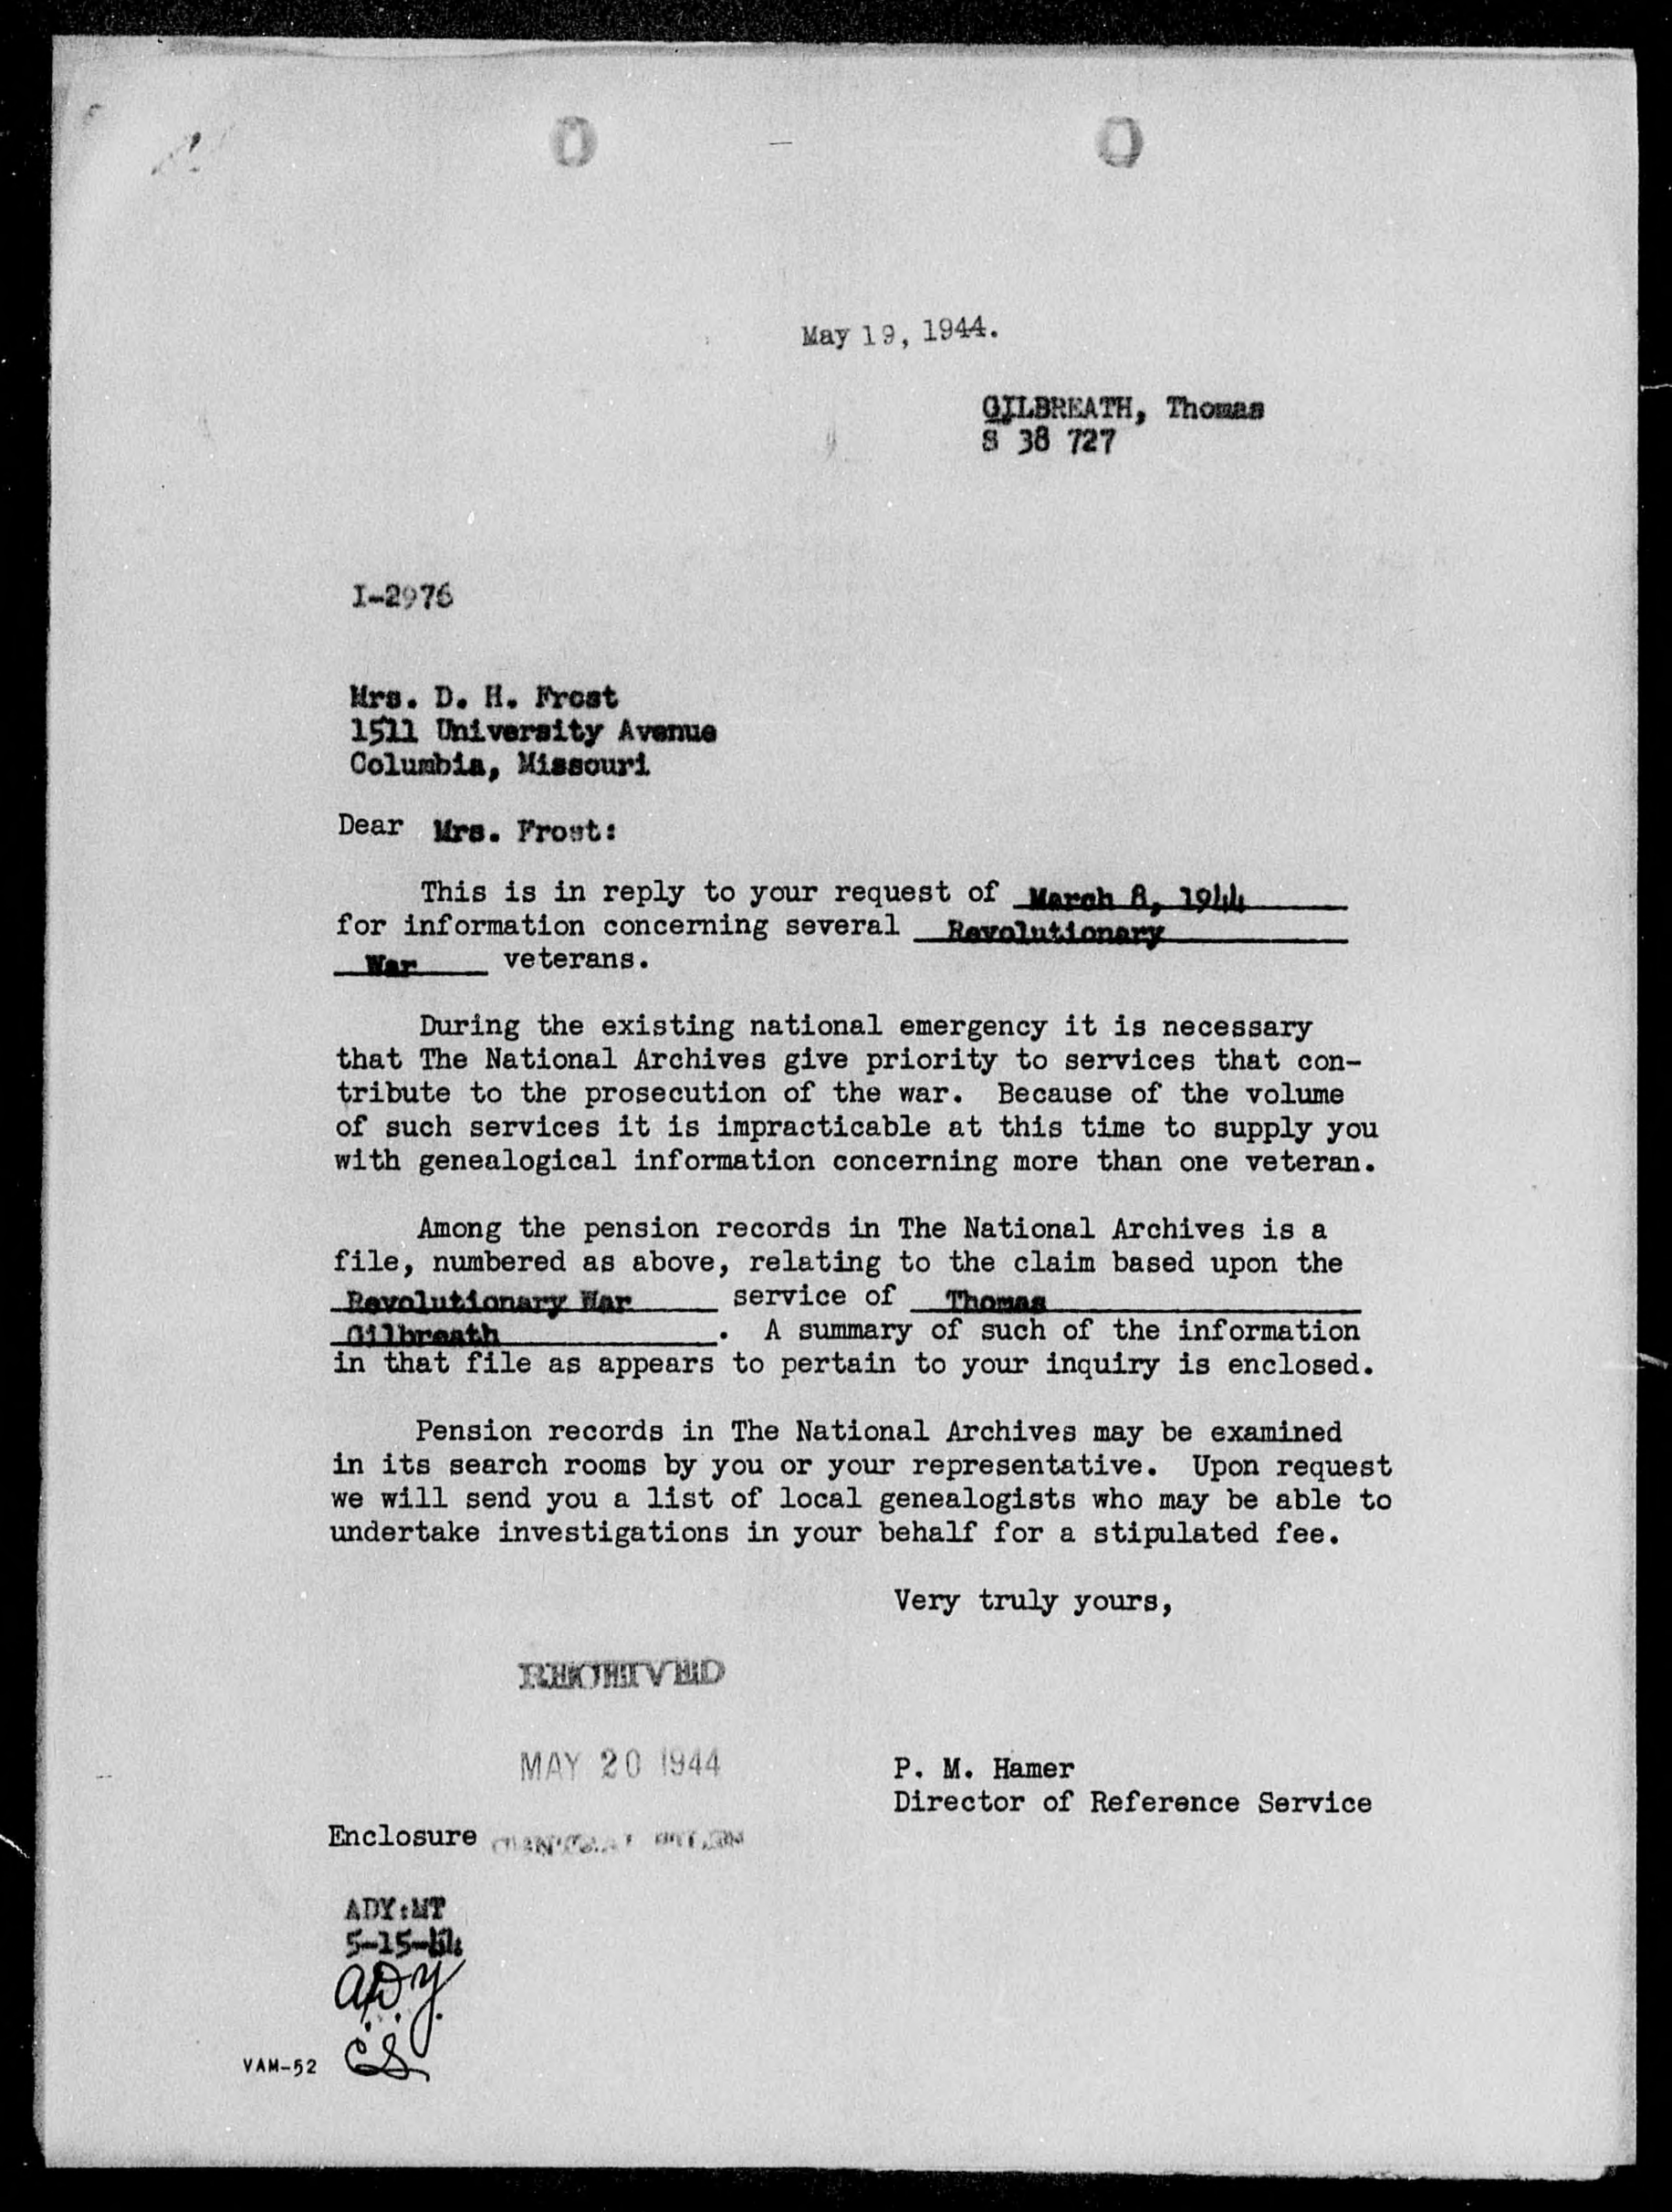[stamped] May 19, 1944.

GILBREATH, Thomas
8 38 727

I-2976

Mrs. D. H. Frost
1511 University Avenue
Columbia, Missouri

Dear Mrs. Frost:

     This is in reply to your request of March 8, 1944 for information concerning several Revolutionary War veterans.
     During the existing national emergency it is necessary that the National Archives give priority to services that contribute to the prosecution of the war.  Because of the volume of such services it is impracticable at this time to supply you with genealogical information concerning more than one veteran.

     Among the pension records in the National Archives is a file, numbered as above, relating to the claim based upon the Revolutionary War service of Thomas Gilbreath.  A summary of such of the information in that file as appears to pertain to your inquiry is enclosed.  

     Pension records in the National Archives may be examined in its search rooms by you or your representative. Upon request we will send you a list of local genealogists who may be able to undertake investigations in your behalf for a stipulated fee.

Very truly yours, 

P. M. Hamer
Director of Reference Service

[Stamped on left:]
RECEIVED
May 20, 1944
Central [illegible]  
Enclosure 
ADY:MT
5-15-44
[initials: [A.D.Y.
VAM-52 [Initials} CS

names: Thomas Gilbreath, P M Hamer, Thomas Gilbreath, D H Frost, Frost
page: 18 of 24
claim: survivor's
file: S. 38727, Thomas Gilbreath, Penn.